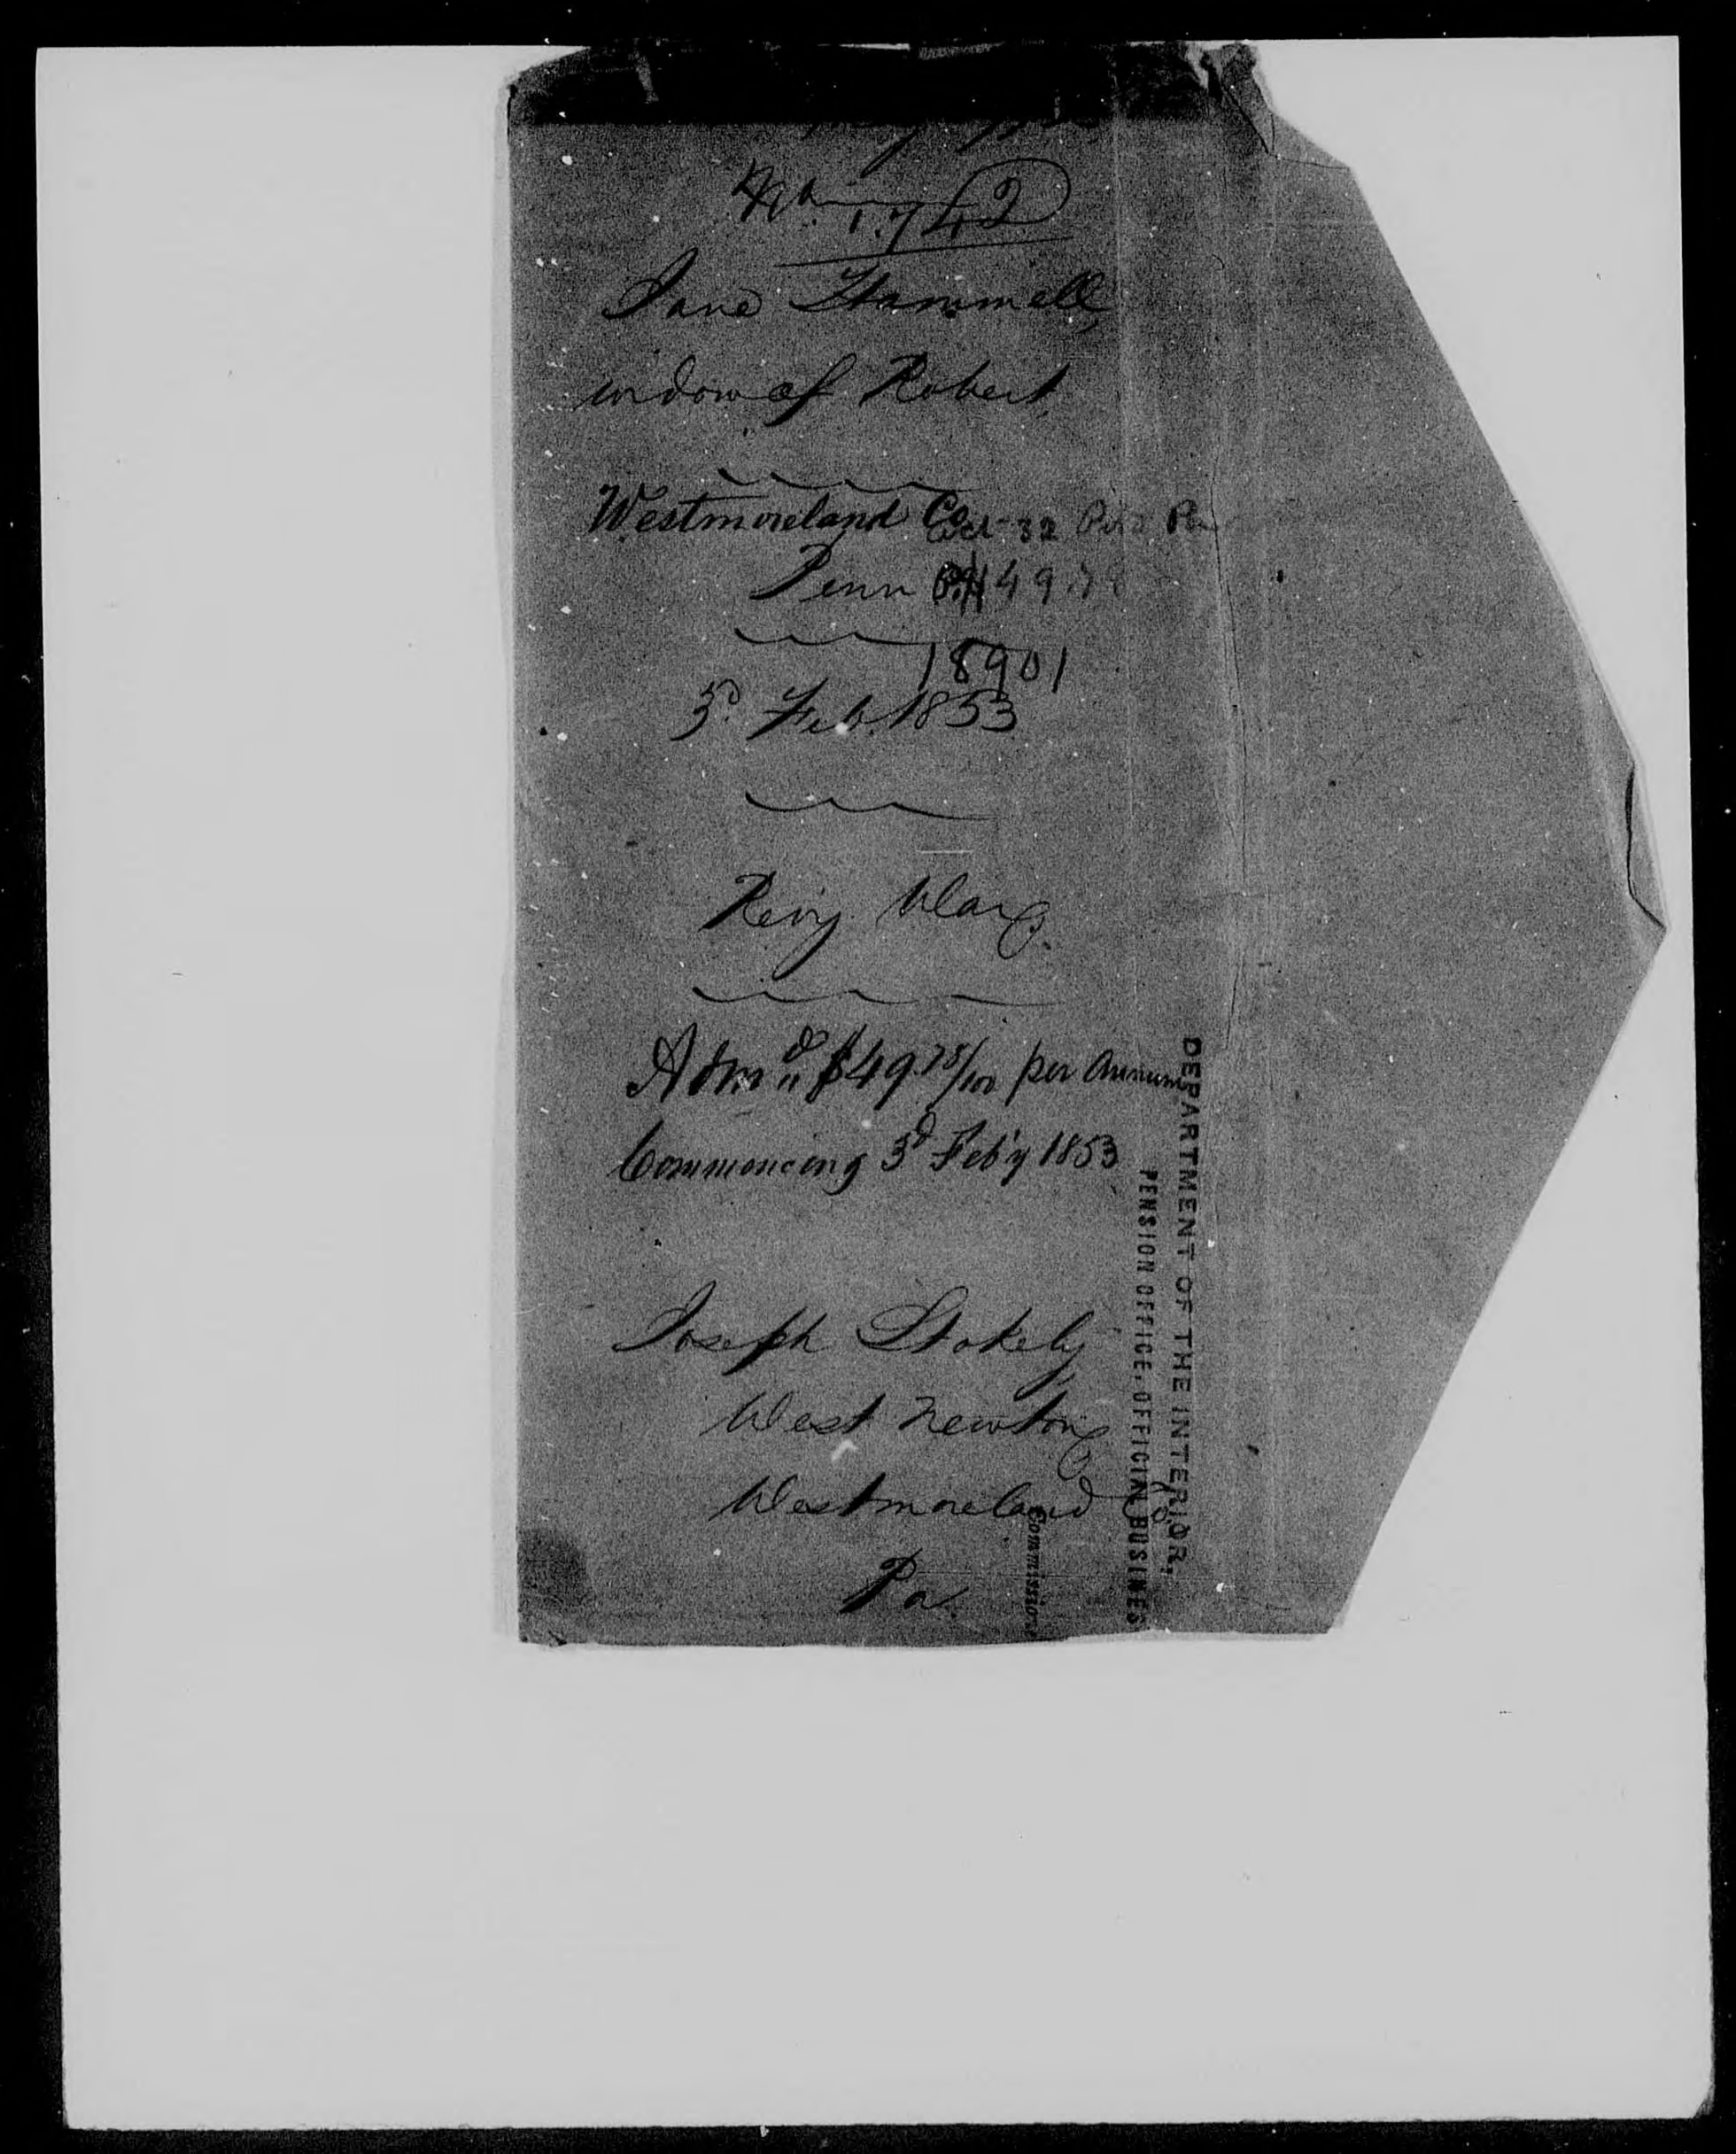Jane Hammill, Robert  W1173
widow of Robert
Westmoreland Co.
Penn. $49.78
18901
Adm'd $49.78/100 per annum
Commencing 3rd Feb'y 1853
Joseph Stokely
West Newton
Westmoreland Co
Pa.
 Envelope stamped
DEPARTMENT OF THE NITERIOR
PENSION OFFICE, OFFICIAL BUSINESS
Hammill Jane    BL. Wt 26538-160-55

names: Joseph Stokely, Jane Hammell, Robert Hammell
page: 75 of 92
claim: widow's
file: W 1173, Robert Hamill, Penn.